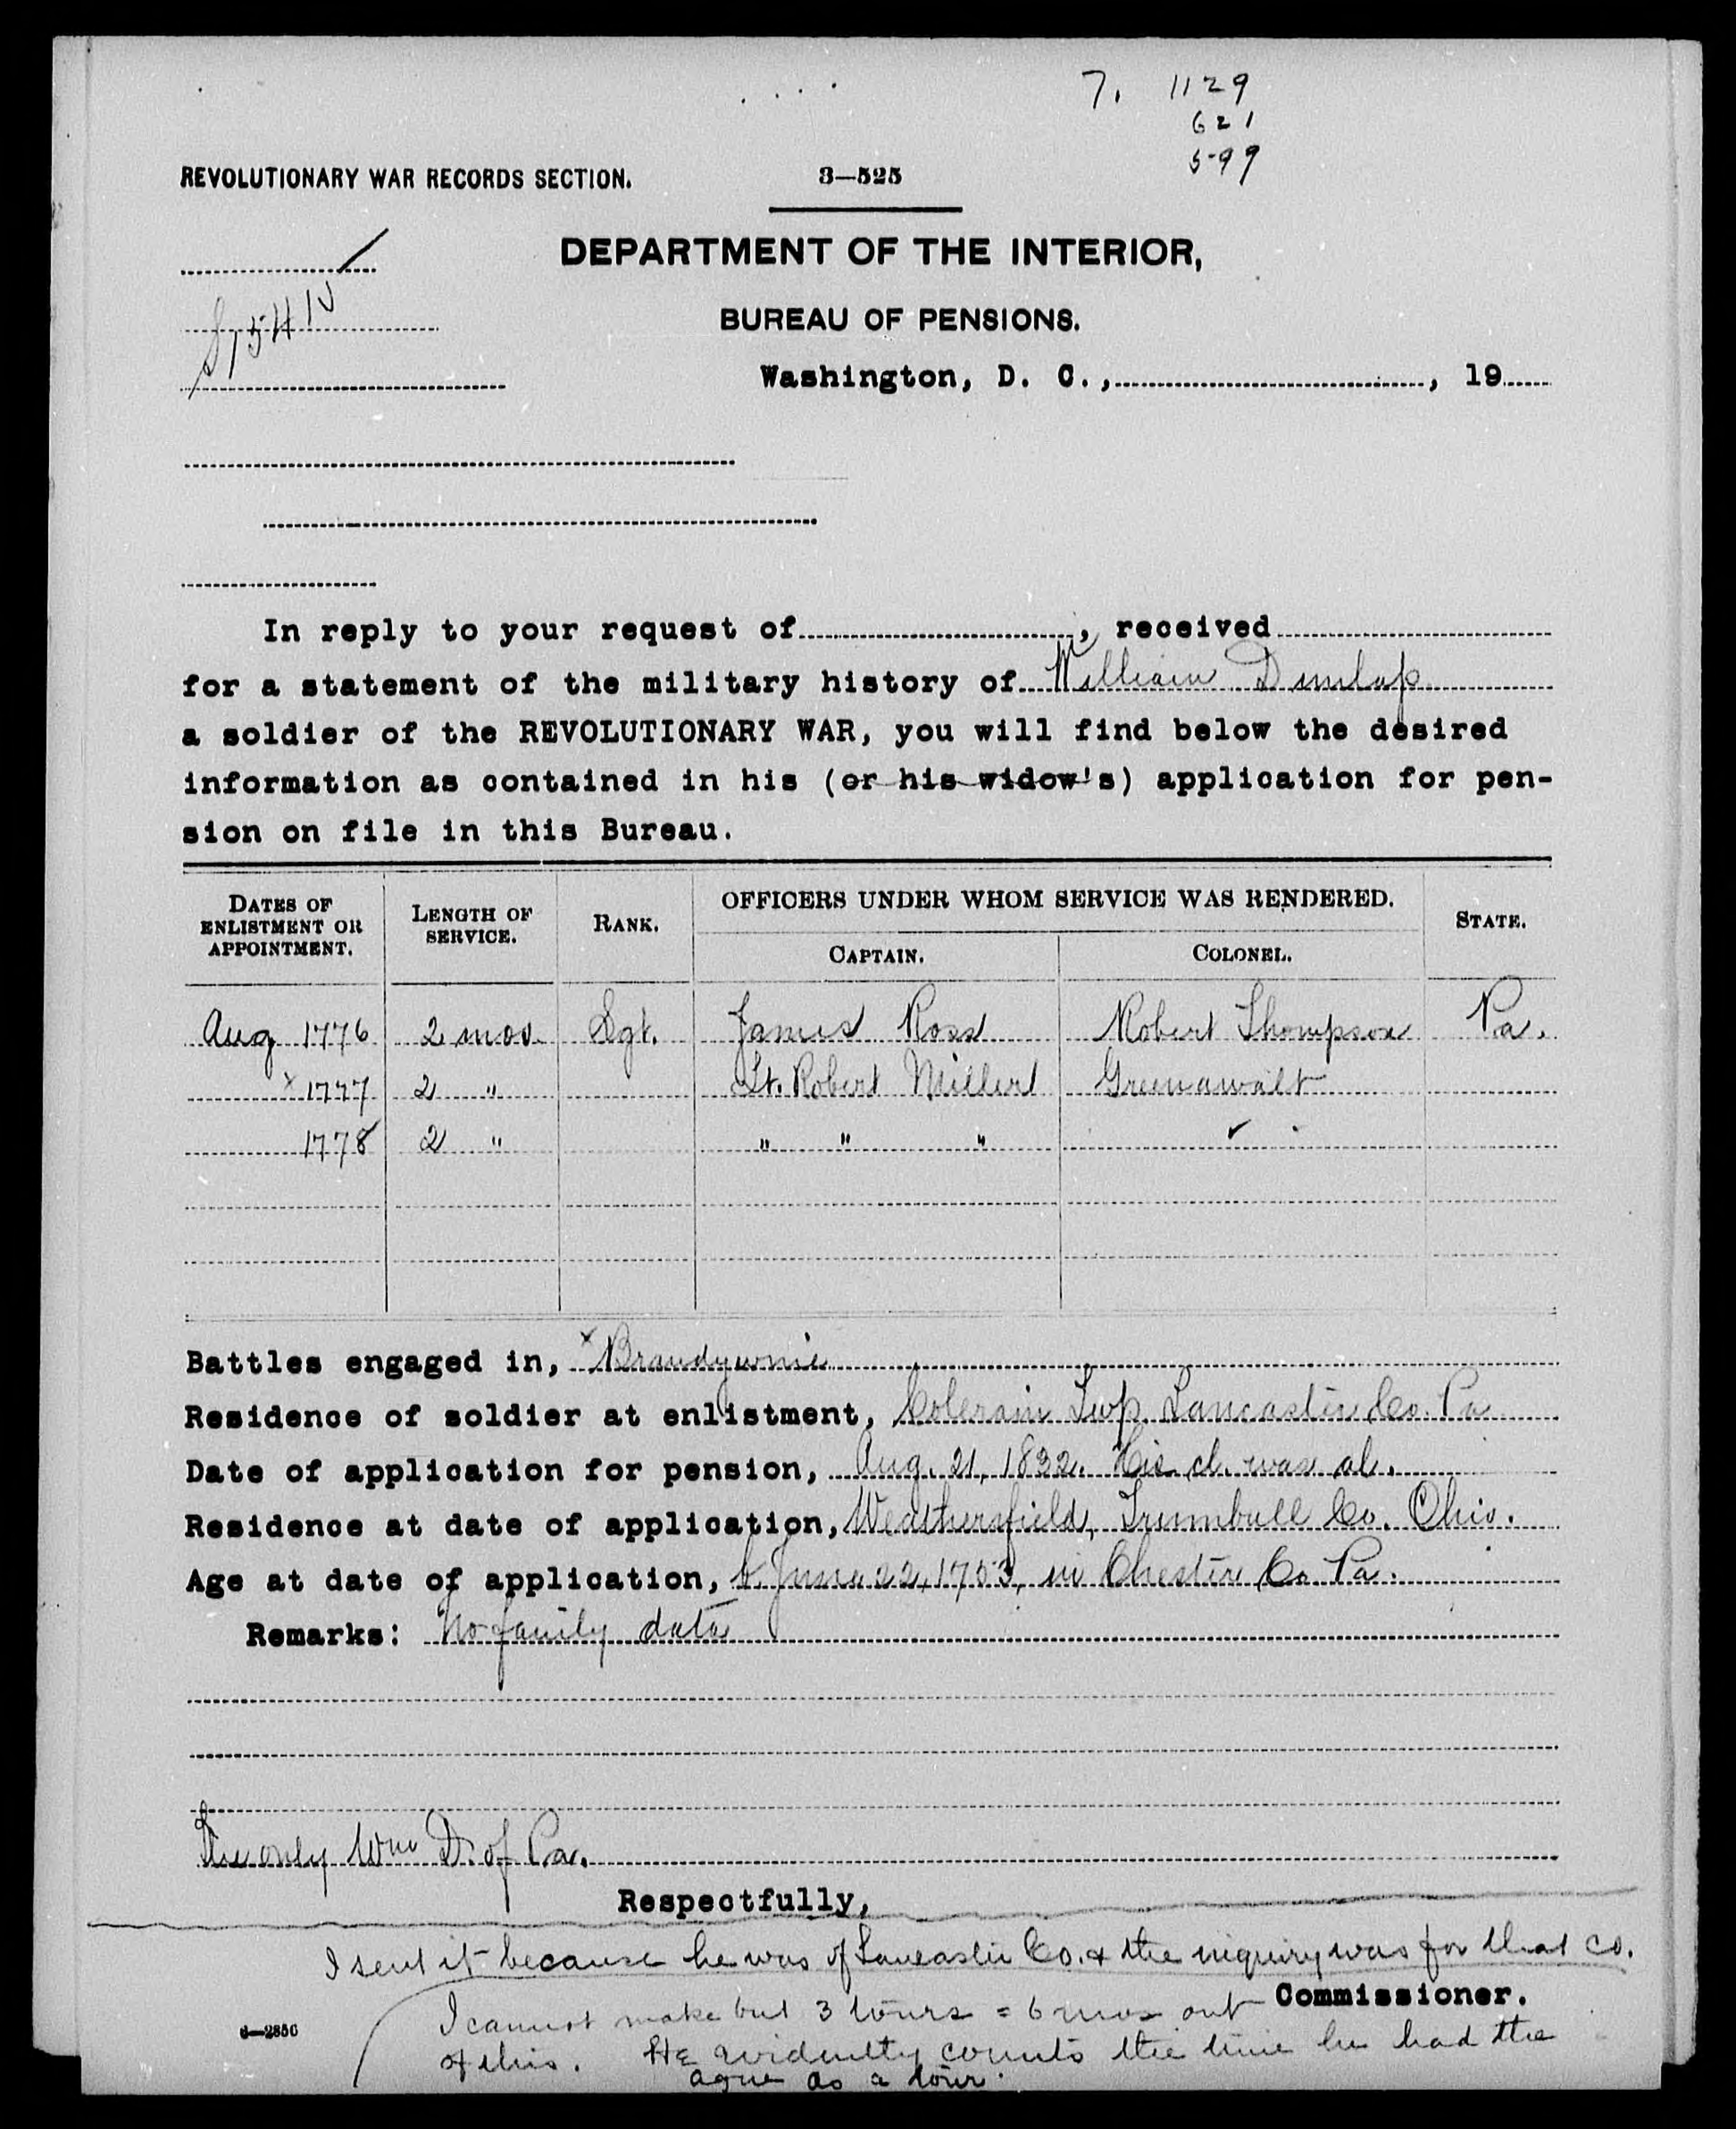[Handwritten] 
7.1129   621  599
S15415

[Typed]
REVOLUTIONARY WAR RECORDS SECTION. 3-525 DEPARTMENT OF THE INTERIOR, BUREAU OF PENSIONS. Washington, D. C. , _____, 19____

In reply to your request of _____, received _____ for a statement of the military history of [Handwritten] William Dunlap a soldier of the REVOLUTIONARY WAR, you will find below the desired information as contained in his (or his widow's) [crossed out] application for pension on file in this Bureau.

DATES OF ENLISTMENT OR APPOINTMENT.
[Handwritten] Aug 1776  x1777  1778
LENGTH OF SERVICE.
[Handwritten] 2 mos 2 "  2  "   
RANK.
[Handwritten] Sgt.
OFFICERS UNDER WHOM SERVICE WAS RENDERED.
CAPTAIN. [Handwritten] James Ross  Lt. Robert Miller  " " "
COLONEL.  [Handwritten] Robert Thompson  Greenawalt

STATE. [Handwritten] Pa.

Battles engaged in, [Handwritten] Brandywine
Residence of soldier at enlistment, [Handwritten] Colerain Twp Lancaster Co. Pa
Date of application for pension, [Handwritten] Aug. 21, 1832. His ch. was ill.
Residence at date of application, [Handwritten] Weathersfield, Trumbull Co. Ohio.
Age at date of application, [Handwritten] b. June 22, 1753, in Chester Co Pa.
Remarks: [Handwritten] No family data  The only Wm D. of Pa.

Respectfully, Commissioner.

[Handwritten] I sent it because he was of Lancaster Co. & the inquiry was for that Co.
I cannot make but 3 tours = 6 mos out of this.  He evidently counts the time he had the ague as a tour.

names: Greenawalt, James Ross, William Dunlap, Robert Thompson, Robert Miller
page: 24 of 24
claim: survivor's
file: S. 15,415, William Dunlap, Penn.